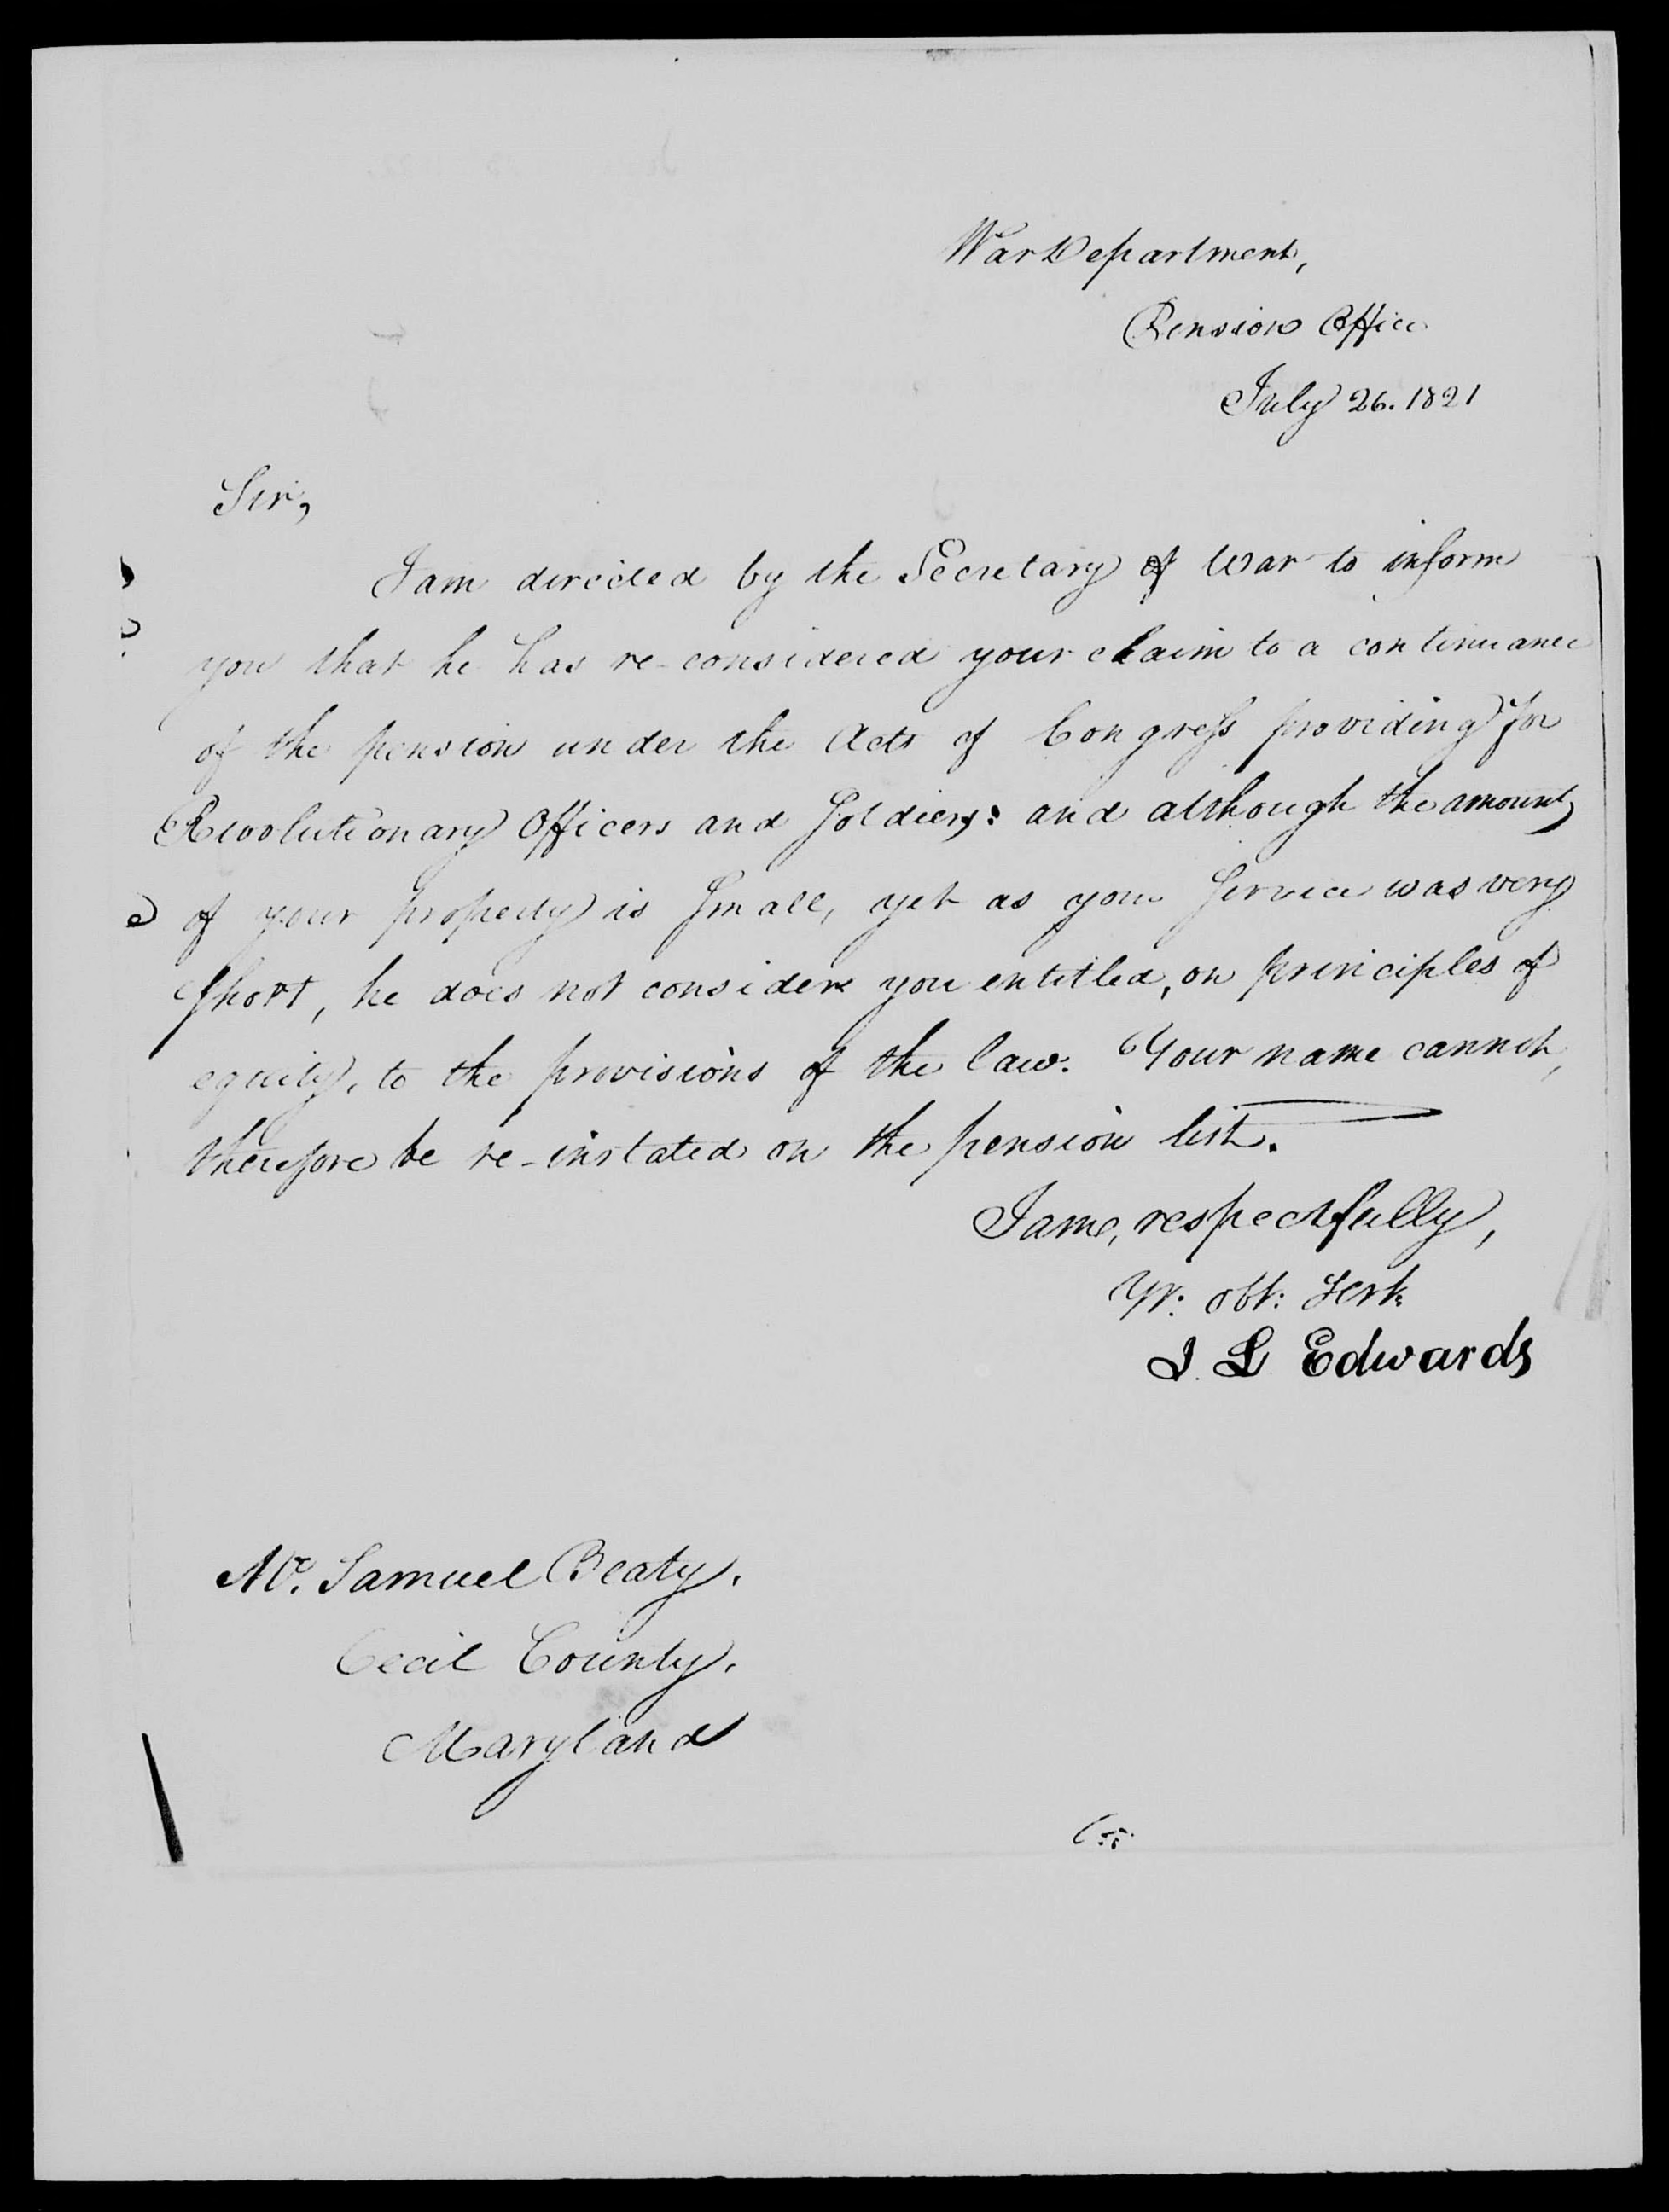War Department
Pension Office
July 26, 1821
Sir
I am directed by the Secretary of War to inform you that he has reconsidered your claim to a continuance of the pension under the acts of Congress providing for Revolutionary Officers and Soldiers: and although the amount of your property is Small, yet as your service was very
Short, he does not consider you entitled, on principles of equity, to the provisions of the law. Your name cannot therefore be reinstated on the pension list.
I am, respectfully,
Yr. Obt. Svt.
J. L. Edwards

Mr Samuel Beaty
Cecil County
Maryland
.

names: J L Edwards, Samuel Beaty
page: 18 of 31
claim: survivor's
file: S. 34646, Samuel Beaty, Penn.